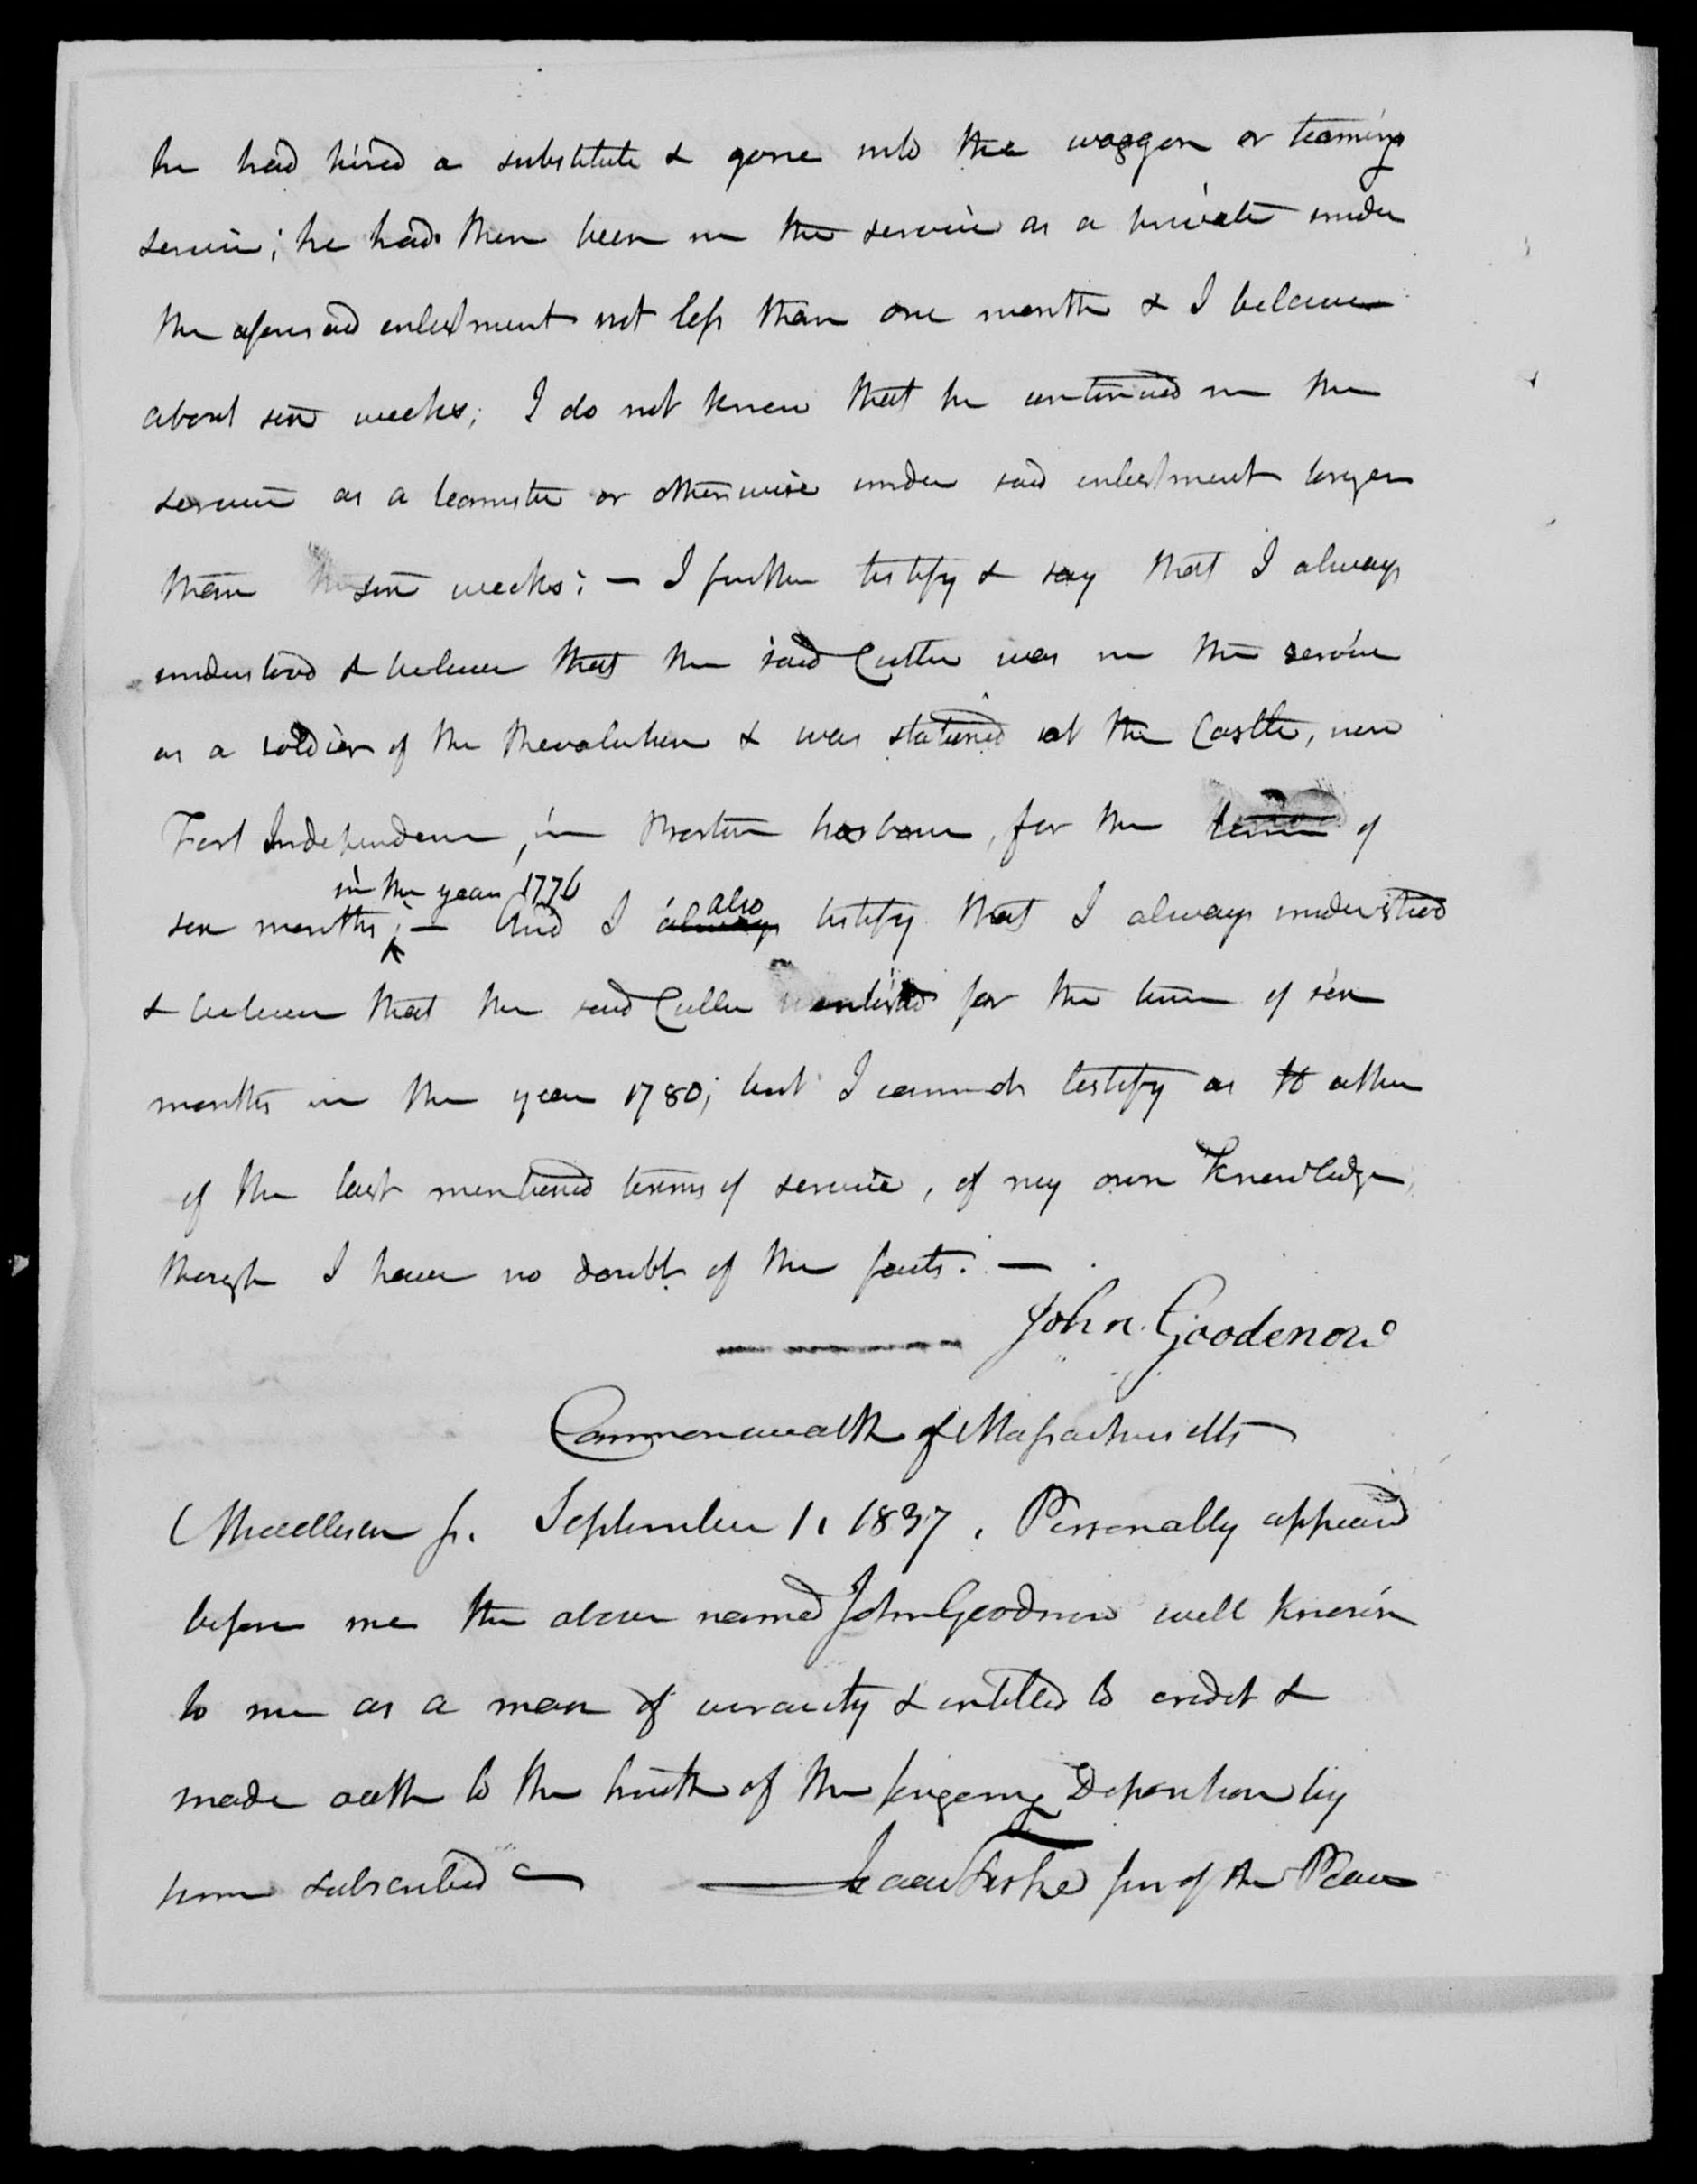he had hired a substitute and gone into the wagon or teaming service; he had then been in the service as a private under the aforesaid enlistment not less than one month and I believe about ten weeks. I do not know that he enlisted in the service as a teamster or otherwise under said enlistment longer than ten weeks: I further testify and say that I always understood and believe that the said Cutler was in the service as a soldier of the Revolution and war stationed at the Castle, now Fort Independence in [illegible] for the term of ten months in the year 1776; and I also testify that I always understood and believe that the said Cutler served for the term of ten months in the year 1780; but I cannot testify as to other of the last mentioned terms of service of my own knowledge though I have no doubt of the facts.
John Goodenow
Commonwealth of Massachusetts
Middlesex: September 1, 1837. Personally appeared before me the above named John Goodenow, well known to me as a man of veracity and entitled to credit and made oath to the truth of his foregoing deposition by him subscribed. Isaac Fiske, Justice of the Peace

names: John Goodenow, John Goodnow, Cutler, Isaac Fiske, Cutler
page: 18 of 22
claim: widow's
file: W. 14,552, Abel Cutler, Mass.